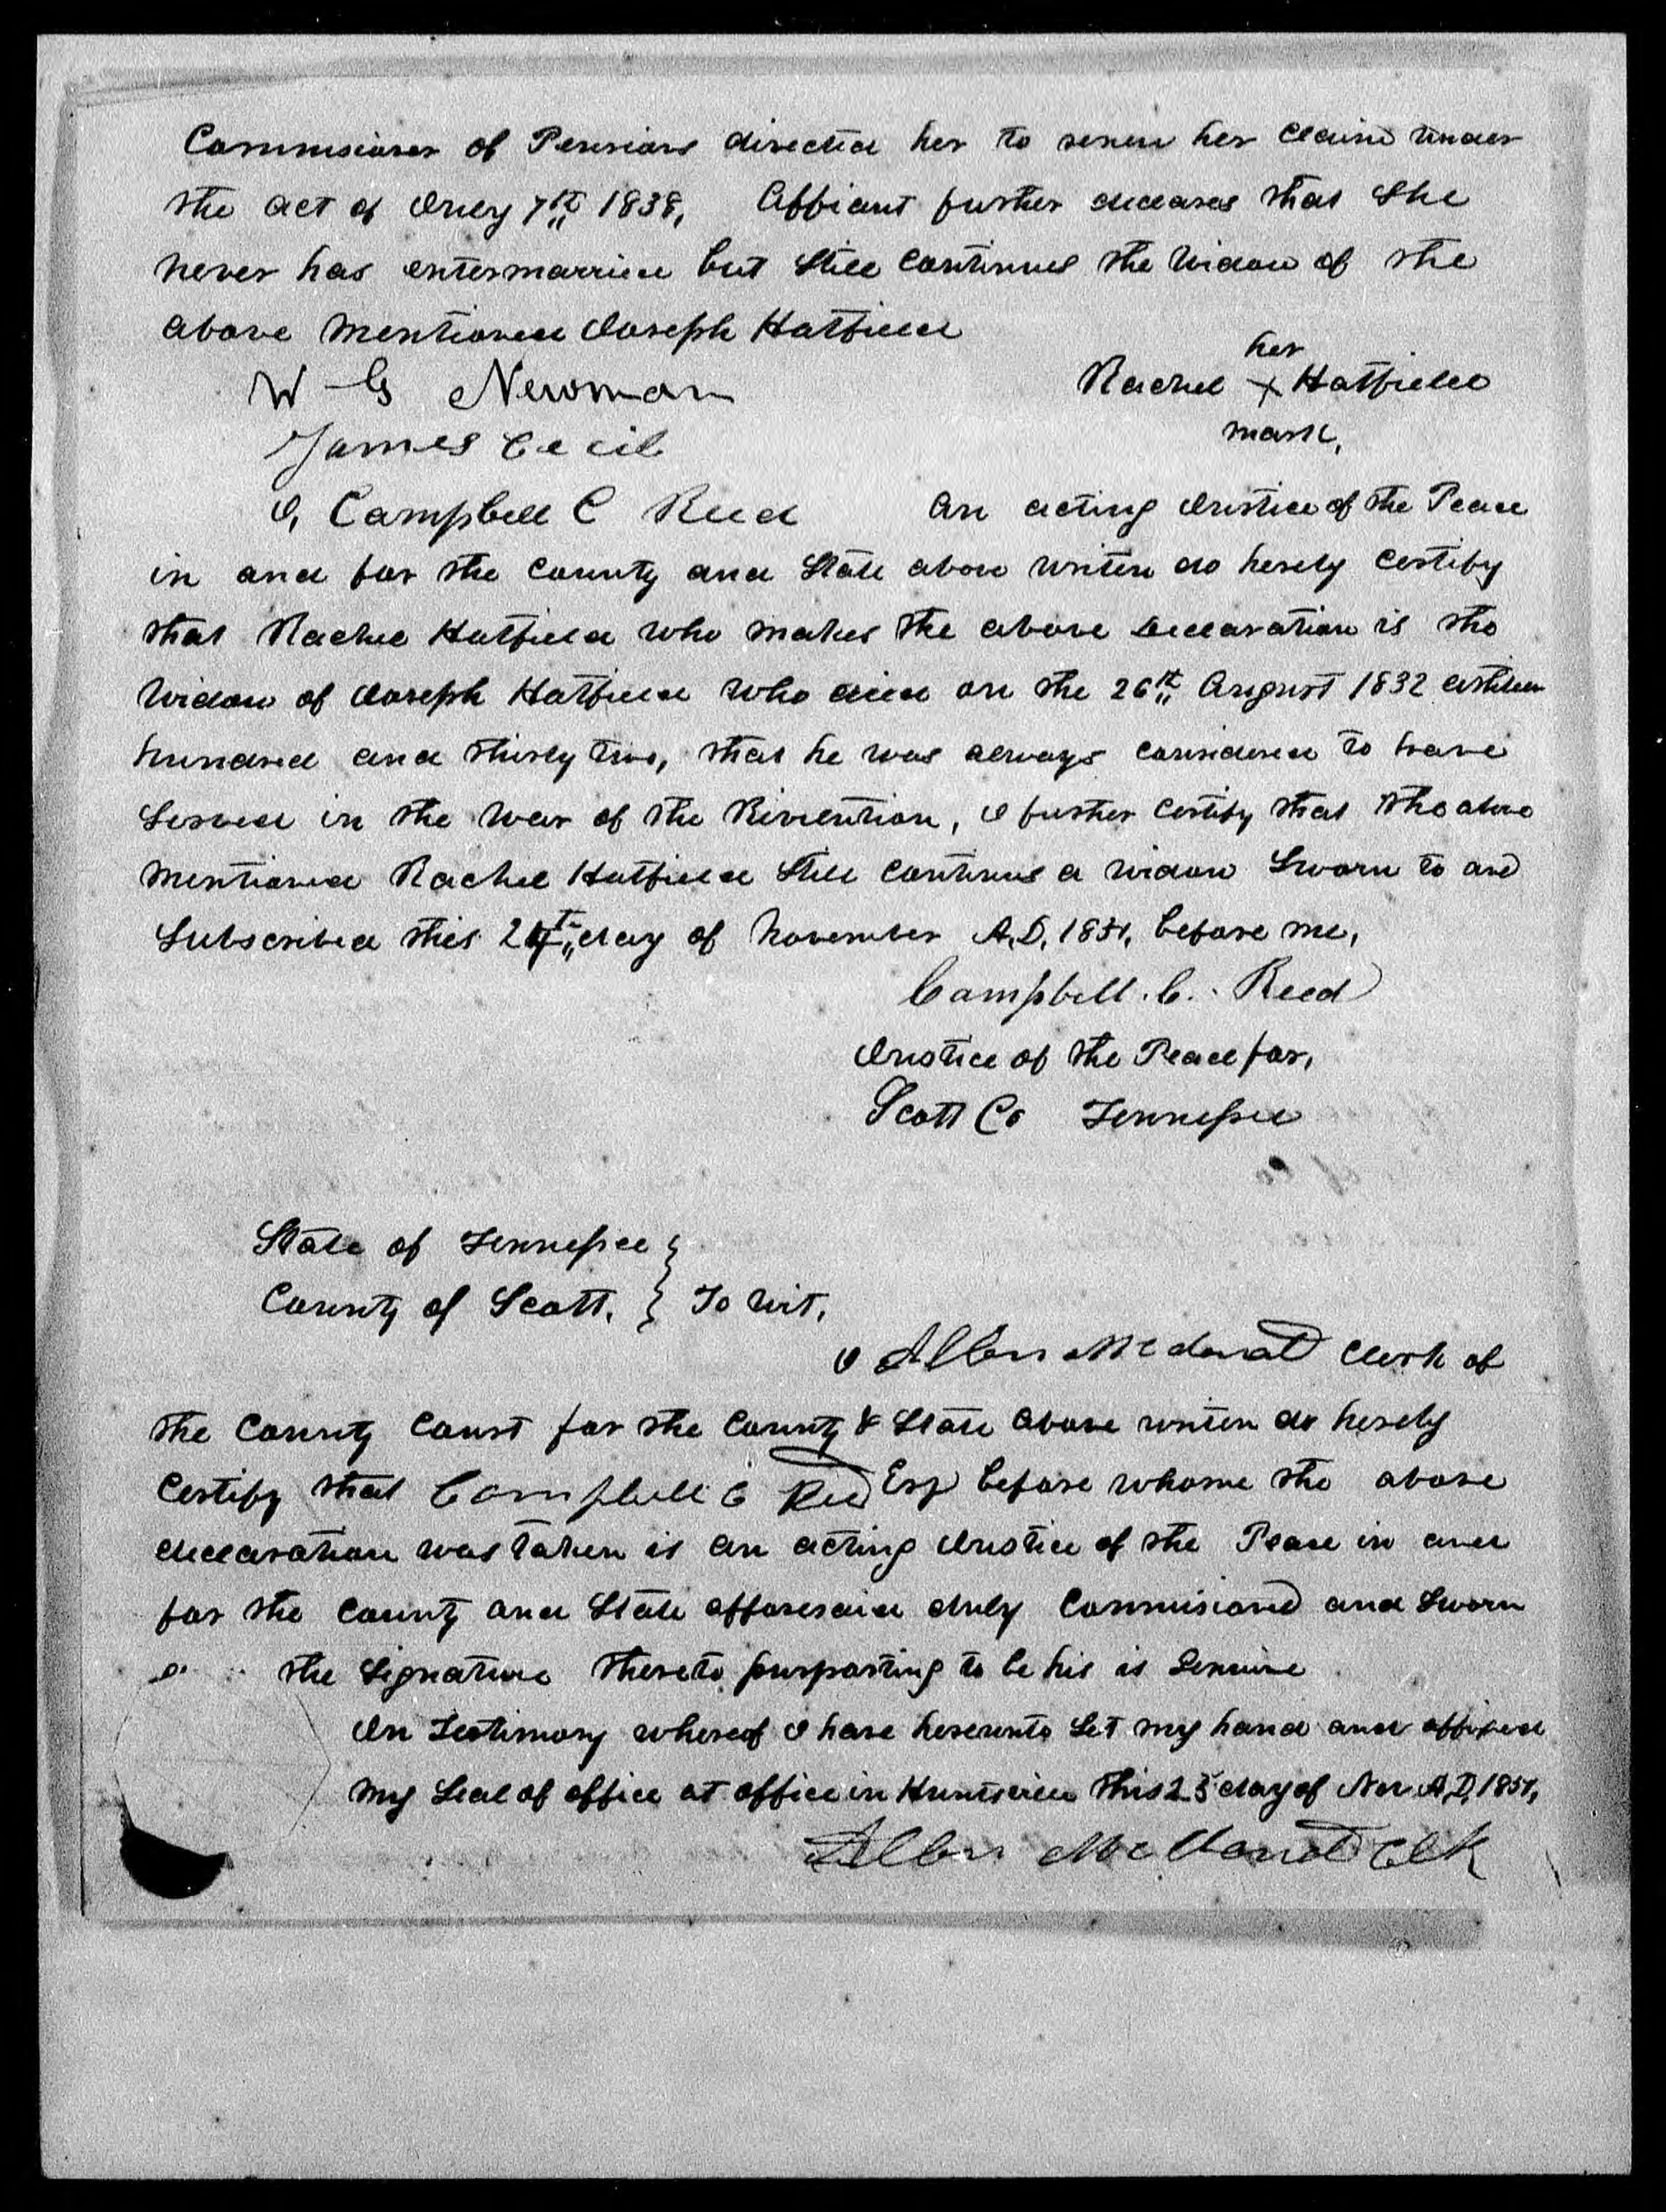Commissioner of Pensions directed her to review her Claim under the Act of July 7th, 1838, Affiant further swears that she never has intermarried but she Continues the widow of the above mentioned Joseph Hatfield
W G Newman Rachel Hatfield x her mark
James Cecil
I, Campbell C Reed An acting Justice of the Peace in and for the County and State above written do hereby certify that, Rachel Hatfield, who makes the above Declaration is the Widow of Joseph Hatfield who died on the 26th August 1832 eighteen hundred and thirty two, that he was always considered to have served in the War of the Revolution, I further Certify that the above mentioned Rachel Hatfield still Continues a widow Sworn to and Subscribed this 24th day of November A,D, 1851, before me,
Campbell C. Reed
Justice of the Peace for,
Scott Co Tennessee

State of Tennessee
County of Scott,} To wit,
I Allen McDonald Clerk of
the County Court for the County & State above written do hereby Certify that Campbell C Reed Esq before whome the above declaration was taken is an acting Justice of the Peace in and for the County and State aforesaid duly Commissioned and Sworn and that the signature thereto purporting to be his is Genuine
In Testimony whereof I have hereunto set my hand and affixed my Seal of office at office in Huntsville this 25 day of Nov A.D. 1851.
Allen McDonald Clk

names: Campbell C Reed, Allen Mcdonald, Rachel Hatfield, Joseph Hatfield, Joseph Hatfield, W G Newman, Allen Mcdonald, Rachel Hatfield, James Cecil, Campbell C Reed, Campbell C Reed, Rachel Hatfield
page: 68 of 74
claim: widow's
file: W. 5, Joseph Hatfield, Va.